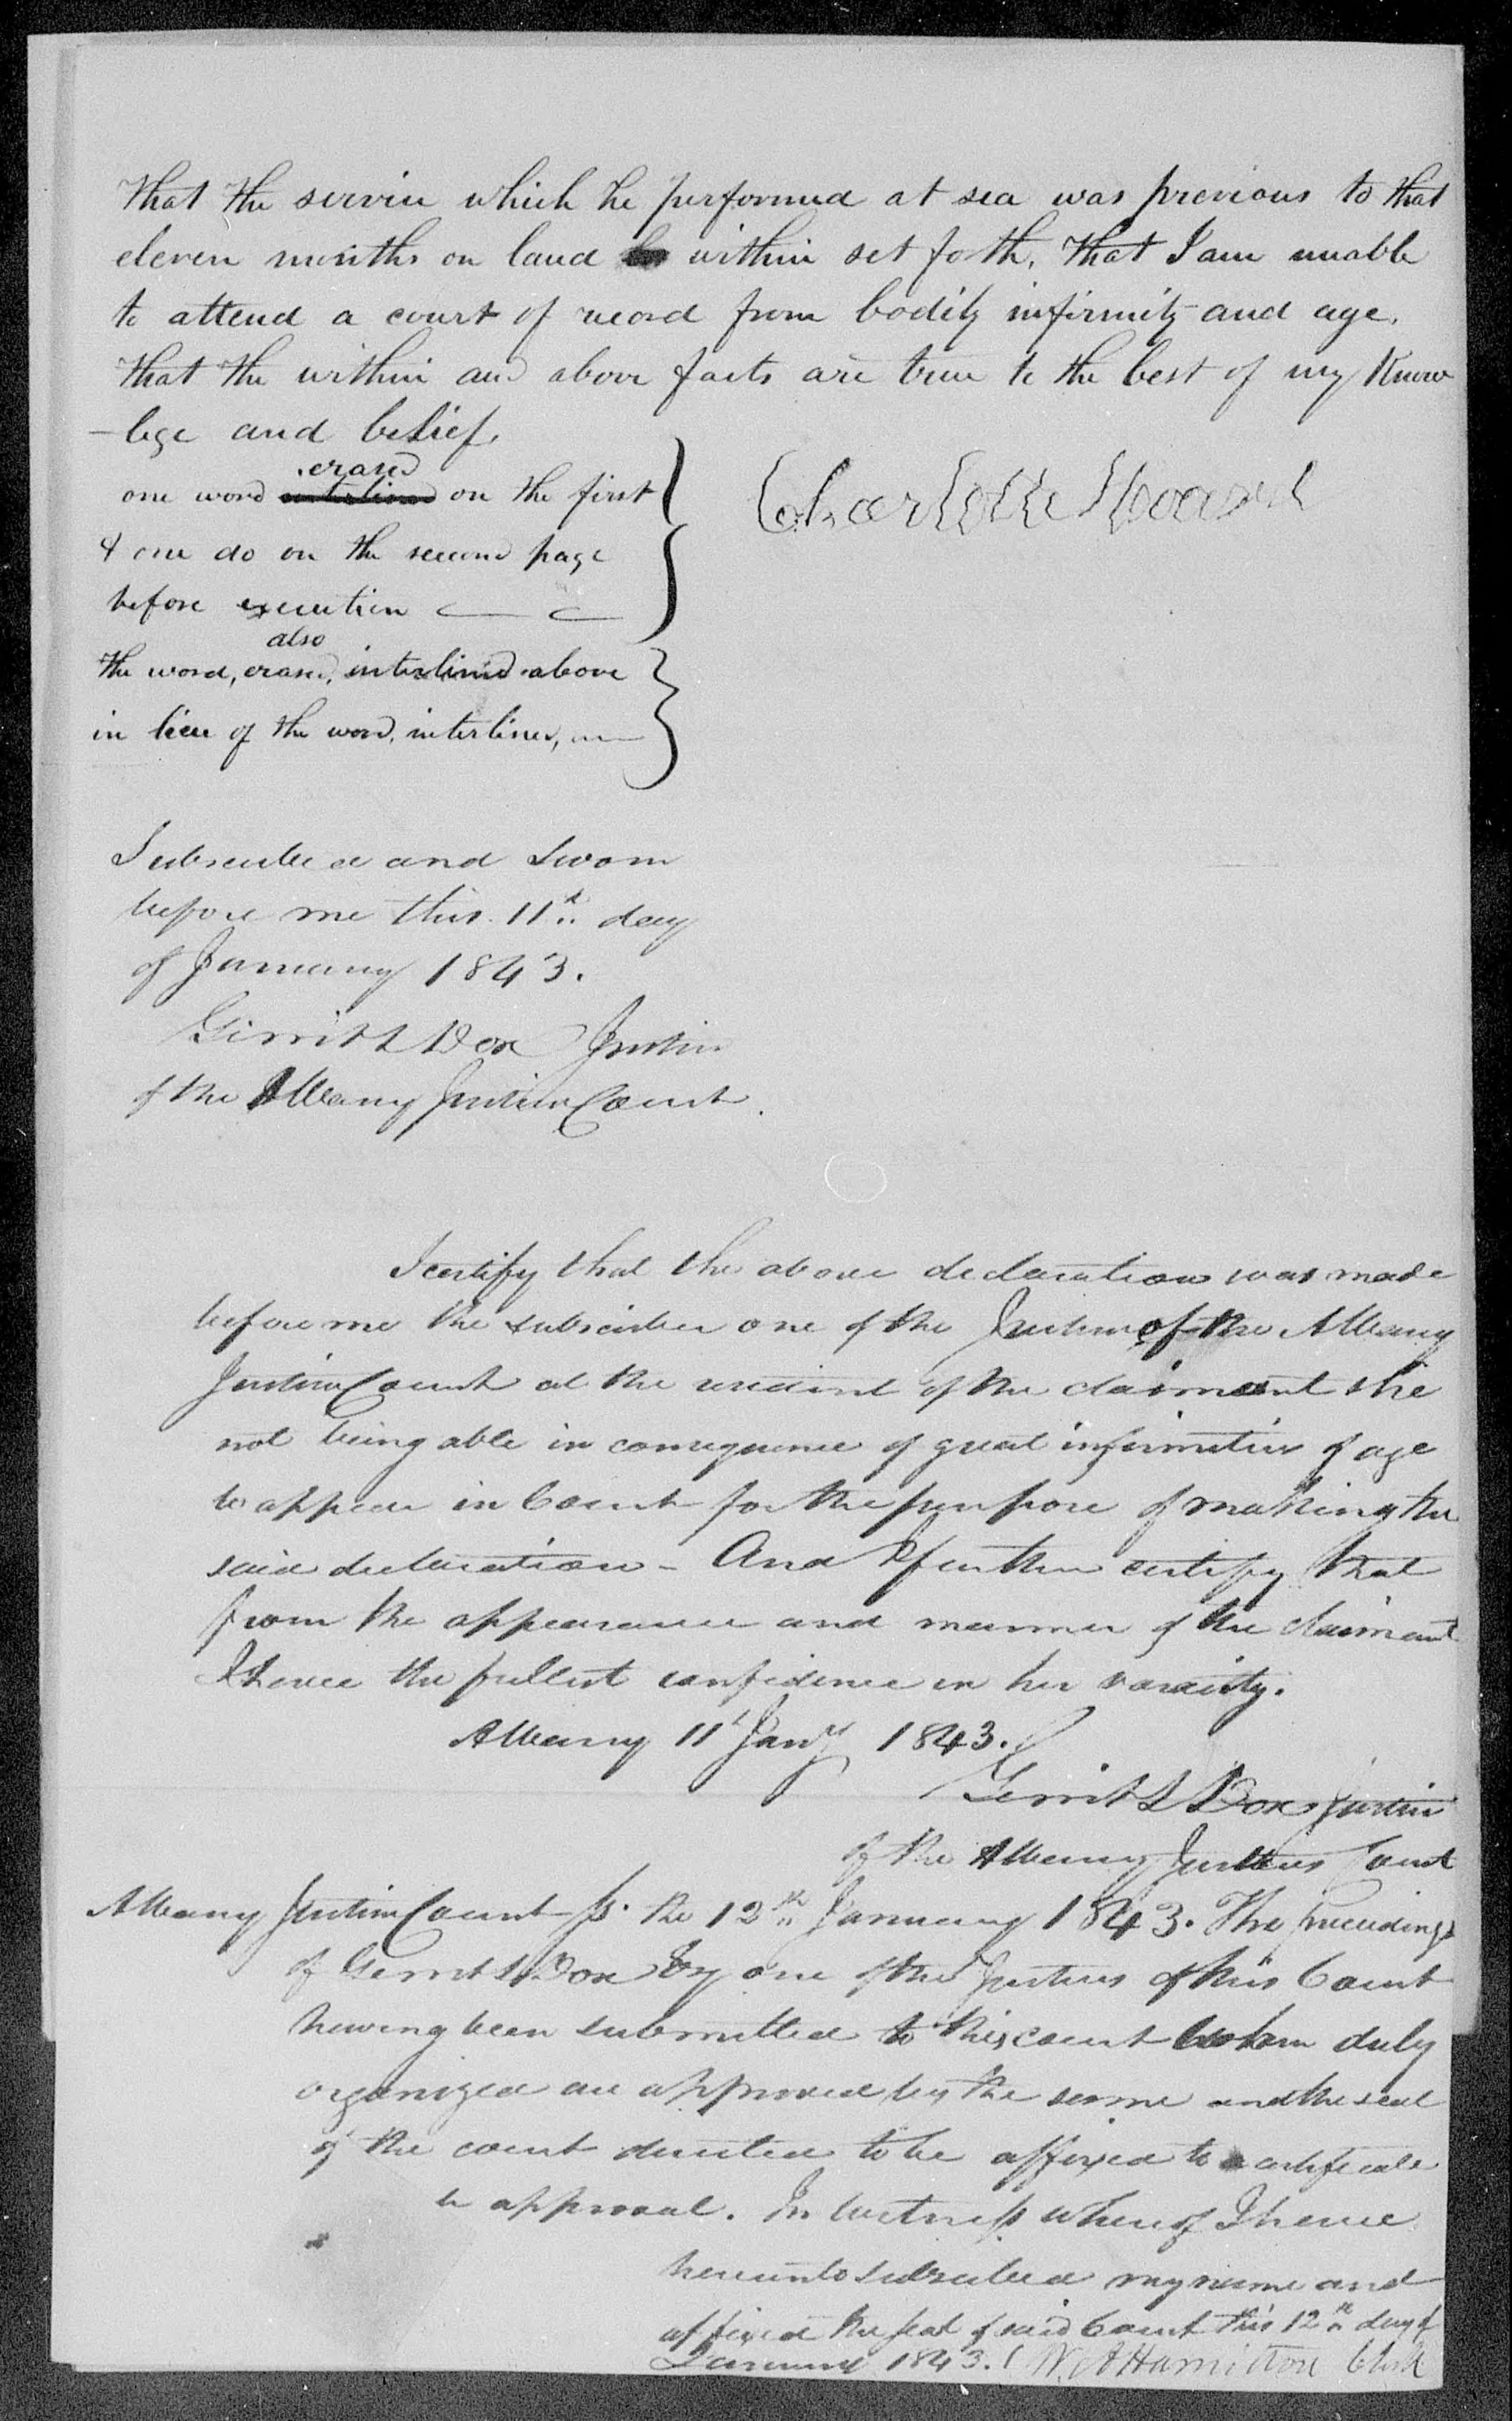that the service which he performed at sea was previous to that eleven months on land within set forth, that I am unable to attend a court of record from bodily infirmity and age, that the within and above facts are true to the best of my knowlege and belief,
Charlotte Hoard (signature)

one word erased on the first
& one do on the second page
before execution --- 
also the word, erased, interlined above
in lieu of the word, interlined, --

Subscribed and Sworn before me this 11th day
of January 1843.
Gerrit Dox Justice (signature)
of the Albany Justices Court.

I certify that the above declaration was made
before me the subscriber one of the Justices of the Albany Justice Court at the [illegible] of the claimant she not being able in consequence of great infirmities of age appear in Court for the purpose of making the said declaration - And further certify that from the appearance and manner of the claimant I have the fullest confidence in her varacity
Albany 11 Jany 1843.
Gerrit L Dox Justice (signature) 
of the Albany further Court

Albany Justice Court ss.  the 12th January 1843. The precedings of Girritt L. Dox Esq one of the Justices of this Court having been submitted to this Court the duly organized and approved by the same and the seal of the court directed to be affixed to certificate approval. 

[seal]
In witness whereof I have hereunto subscribed my name and affixed the seal of said Court this 12th day of January 1843. 
W.A Hamilton Clerk (signature)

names: W A Hamilton, Gerrit L Dox, Charlotte Hoard, Gerrit L Dox, Girritt L Dox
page: 38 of 52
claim: widow's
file: W 19755, Jonathan Hoard, Mass.